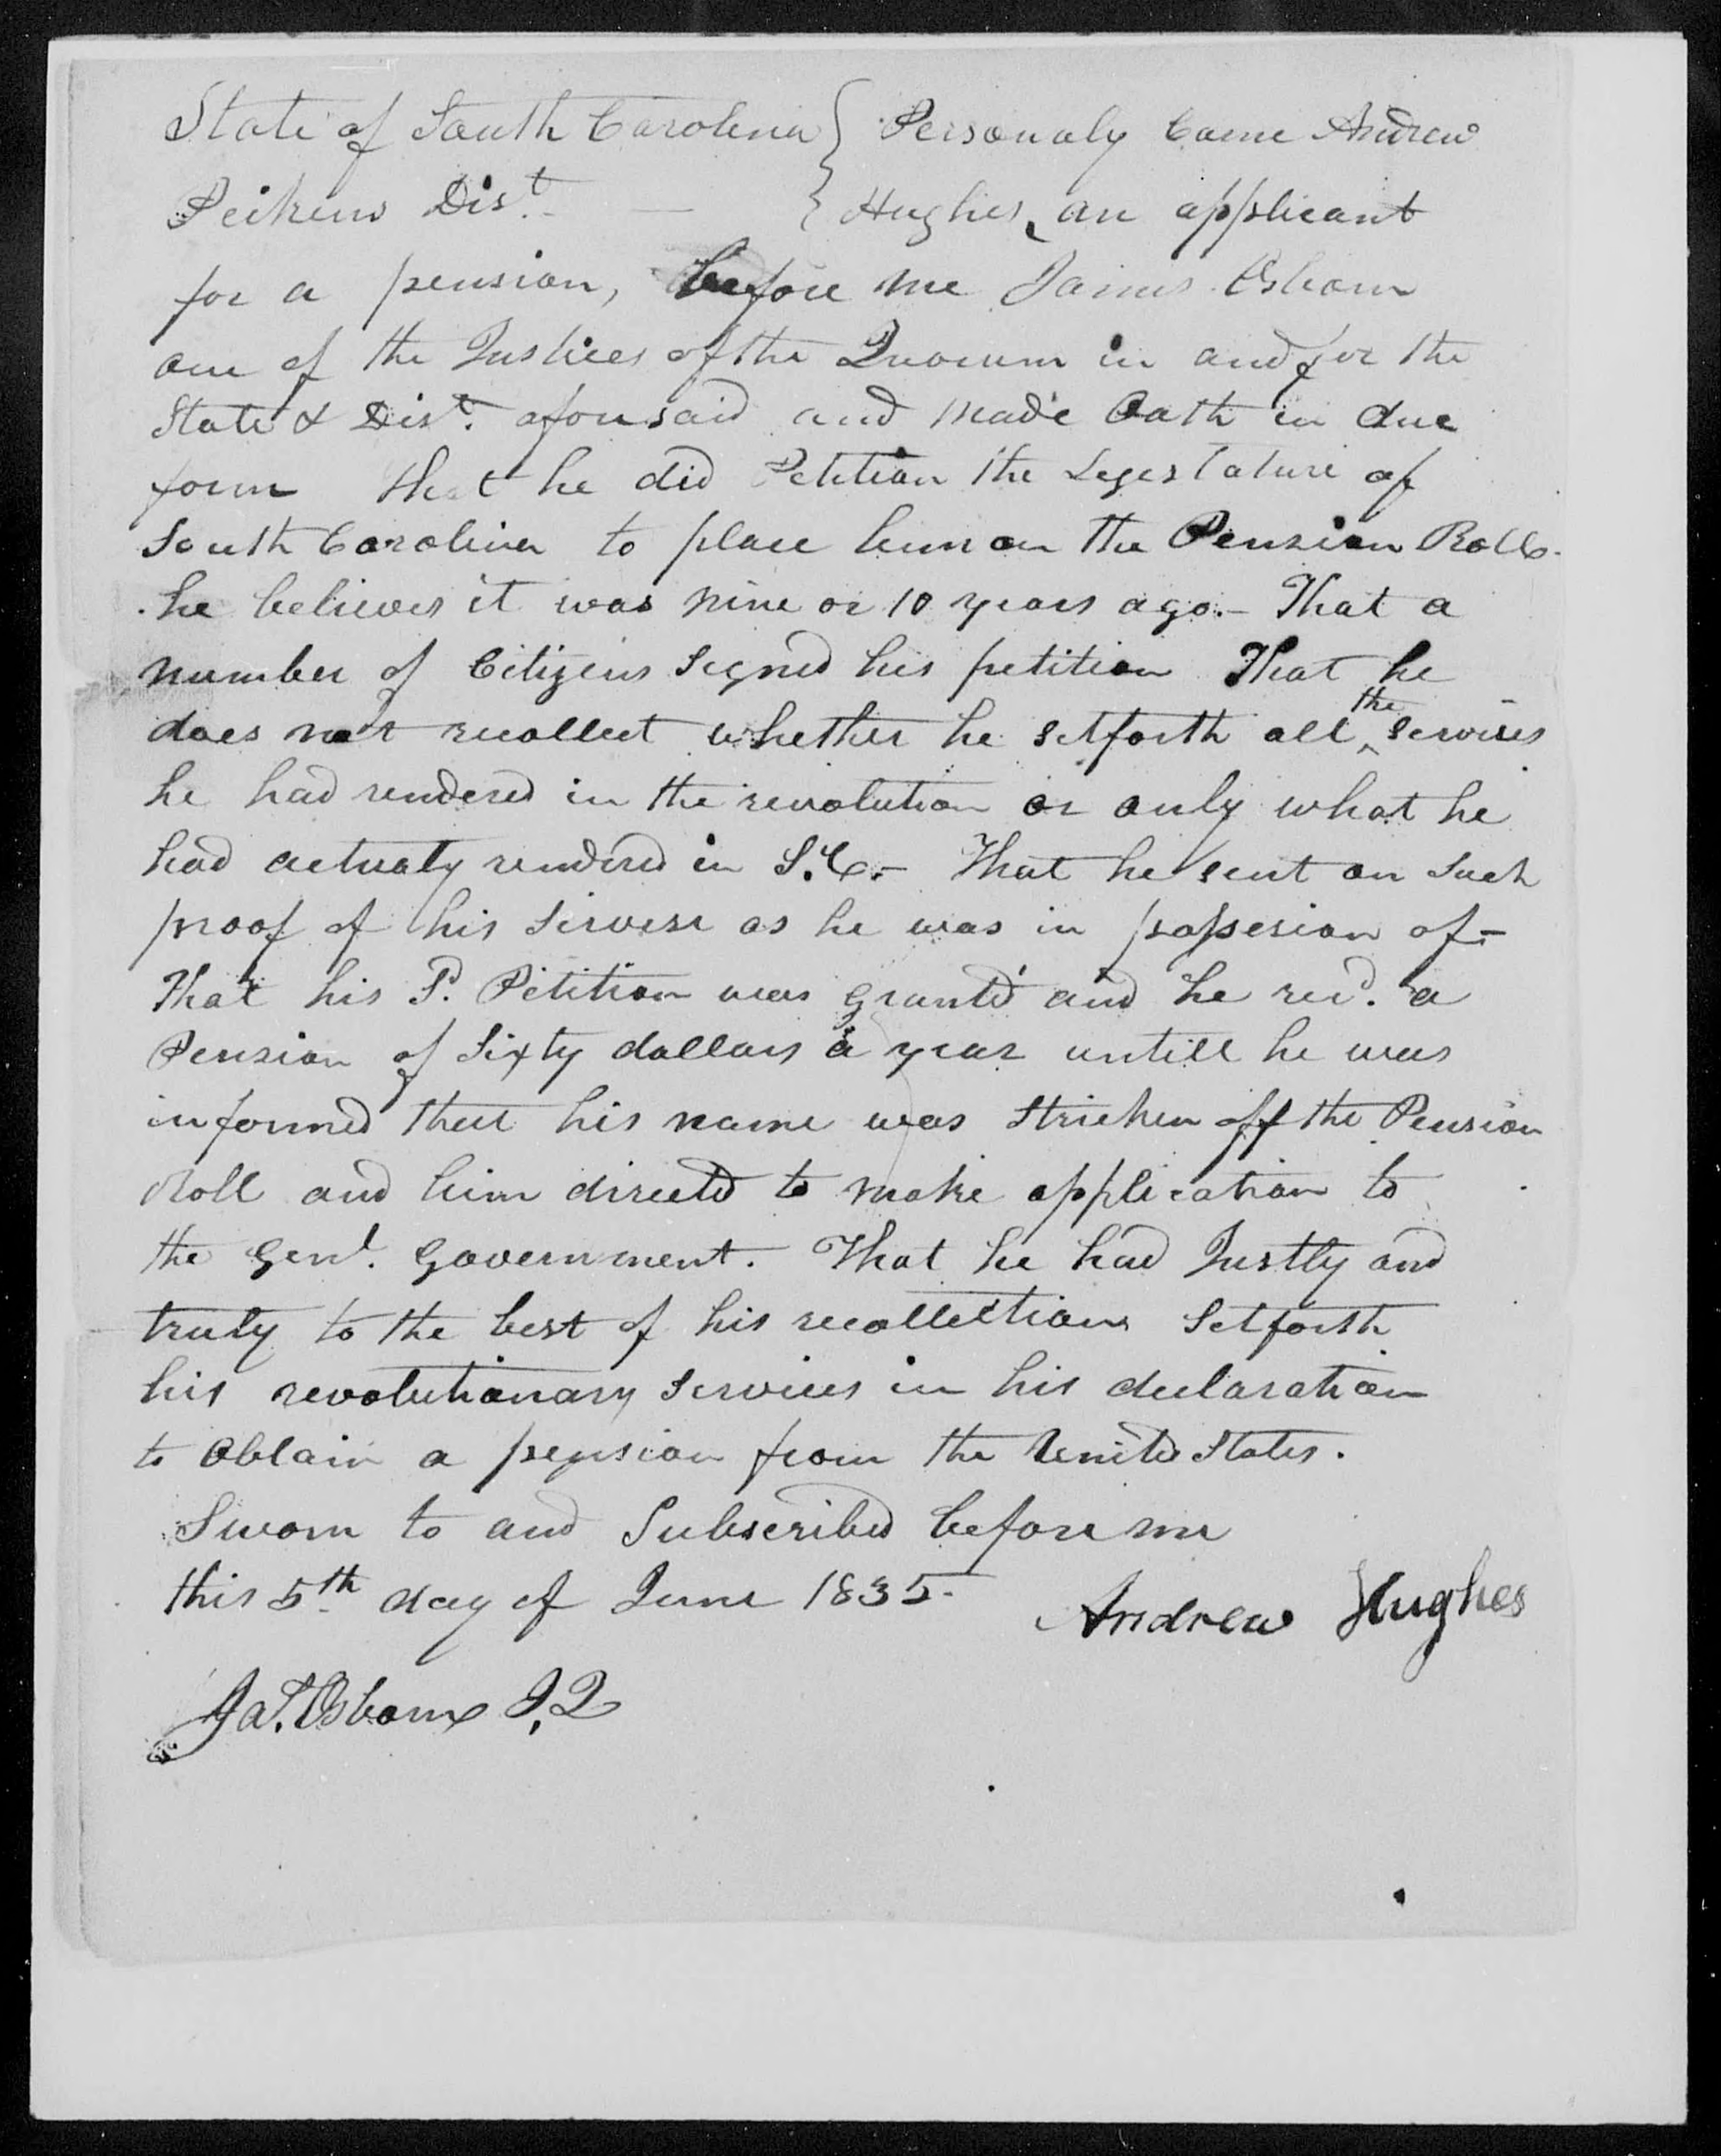Chuttah Springs July 7th 1856 [smuged]

Dr Sir
Your letter dated 16th Feby 56 requesting Mrs Nancy Hughes to show by proof what time her husband removed from S Carolina to Ga & when he returned to S Carolina [illegible] has been complied with some months since by the certificate of some two or three credible witnesses which you will see by examining the papers. You have not informed what desposition has been made with the case please inform me if further proof of identity and marriage [illegible] is required. I understand from Mr. Lumpkin Me to [illegible] Congress that the sons of Mr. Hughes by a former wife is resisting the pension I cannot see why they would or could defeat the claim of Mrs. Hughes legally or on what ground they could do so the law has made provision for widows of Revolutionary Soldiers and she has proved herself to be the widow of asa [illegible] hughes and can make any amt of proof as to marriage and identity. I am acting for Mrs. Hughes for little or no compensation as she is very old and needy I hope you will le me hear from the department immediately so I may know what course to take in the matter should a pension certificate issue please make it payable at Athens Tennessee or Knoxville Tennessee
I hope to hear by return mail
Respectfully 
James L. May

fellinok [illegible] Commissioner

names: James Osborn, Andrew Hughes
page: 71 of 75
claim: widow's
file: W. 25805, Andrew Hughes, N.C.